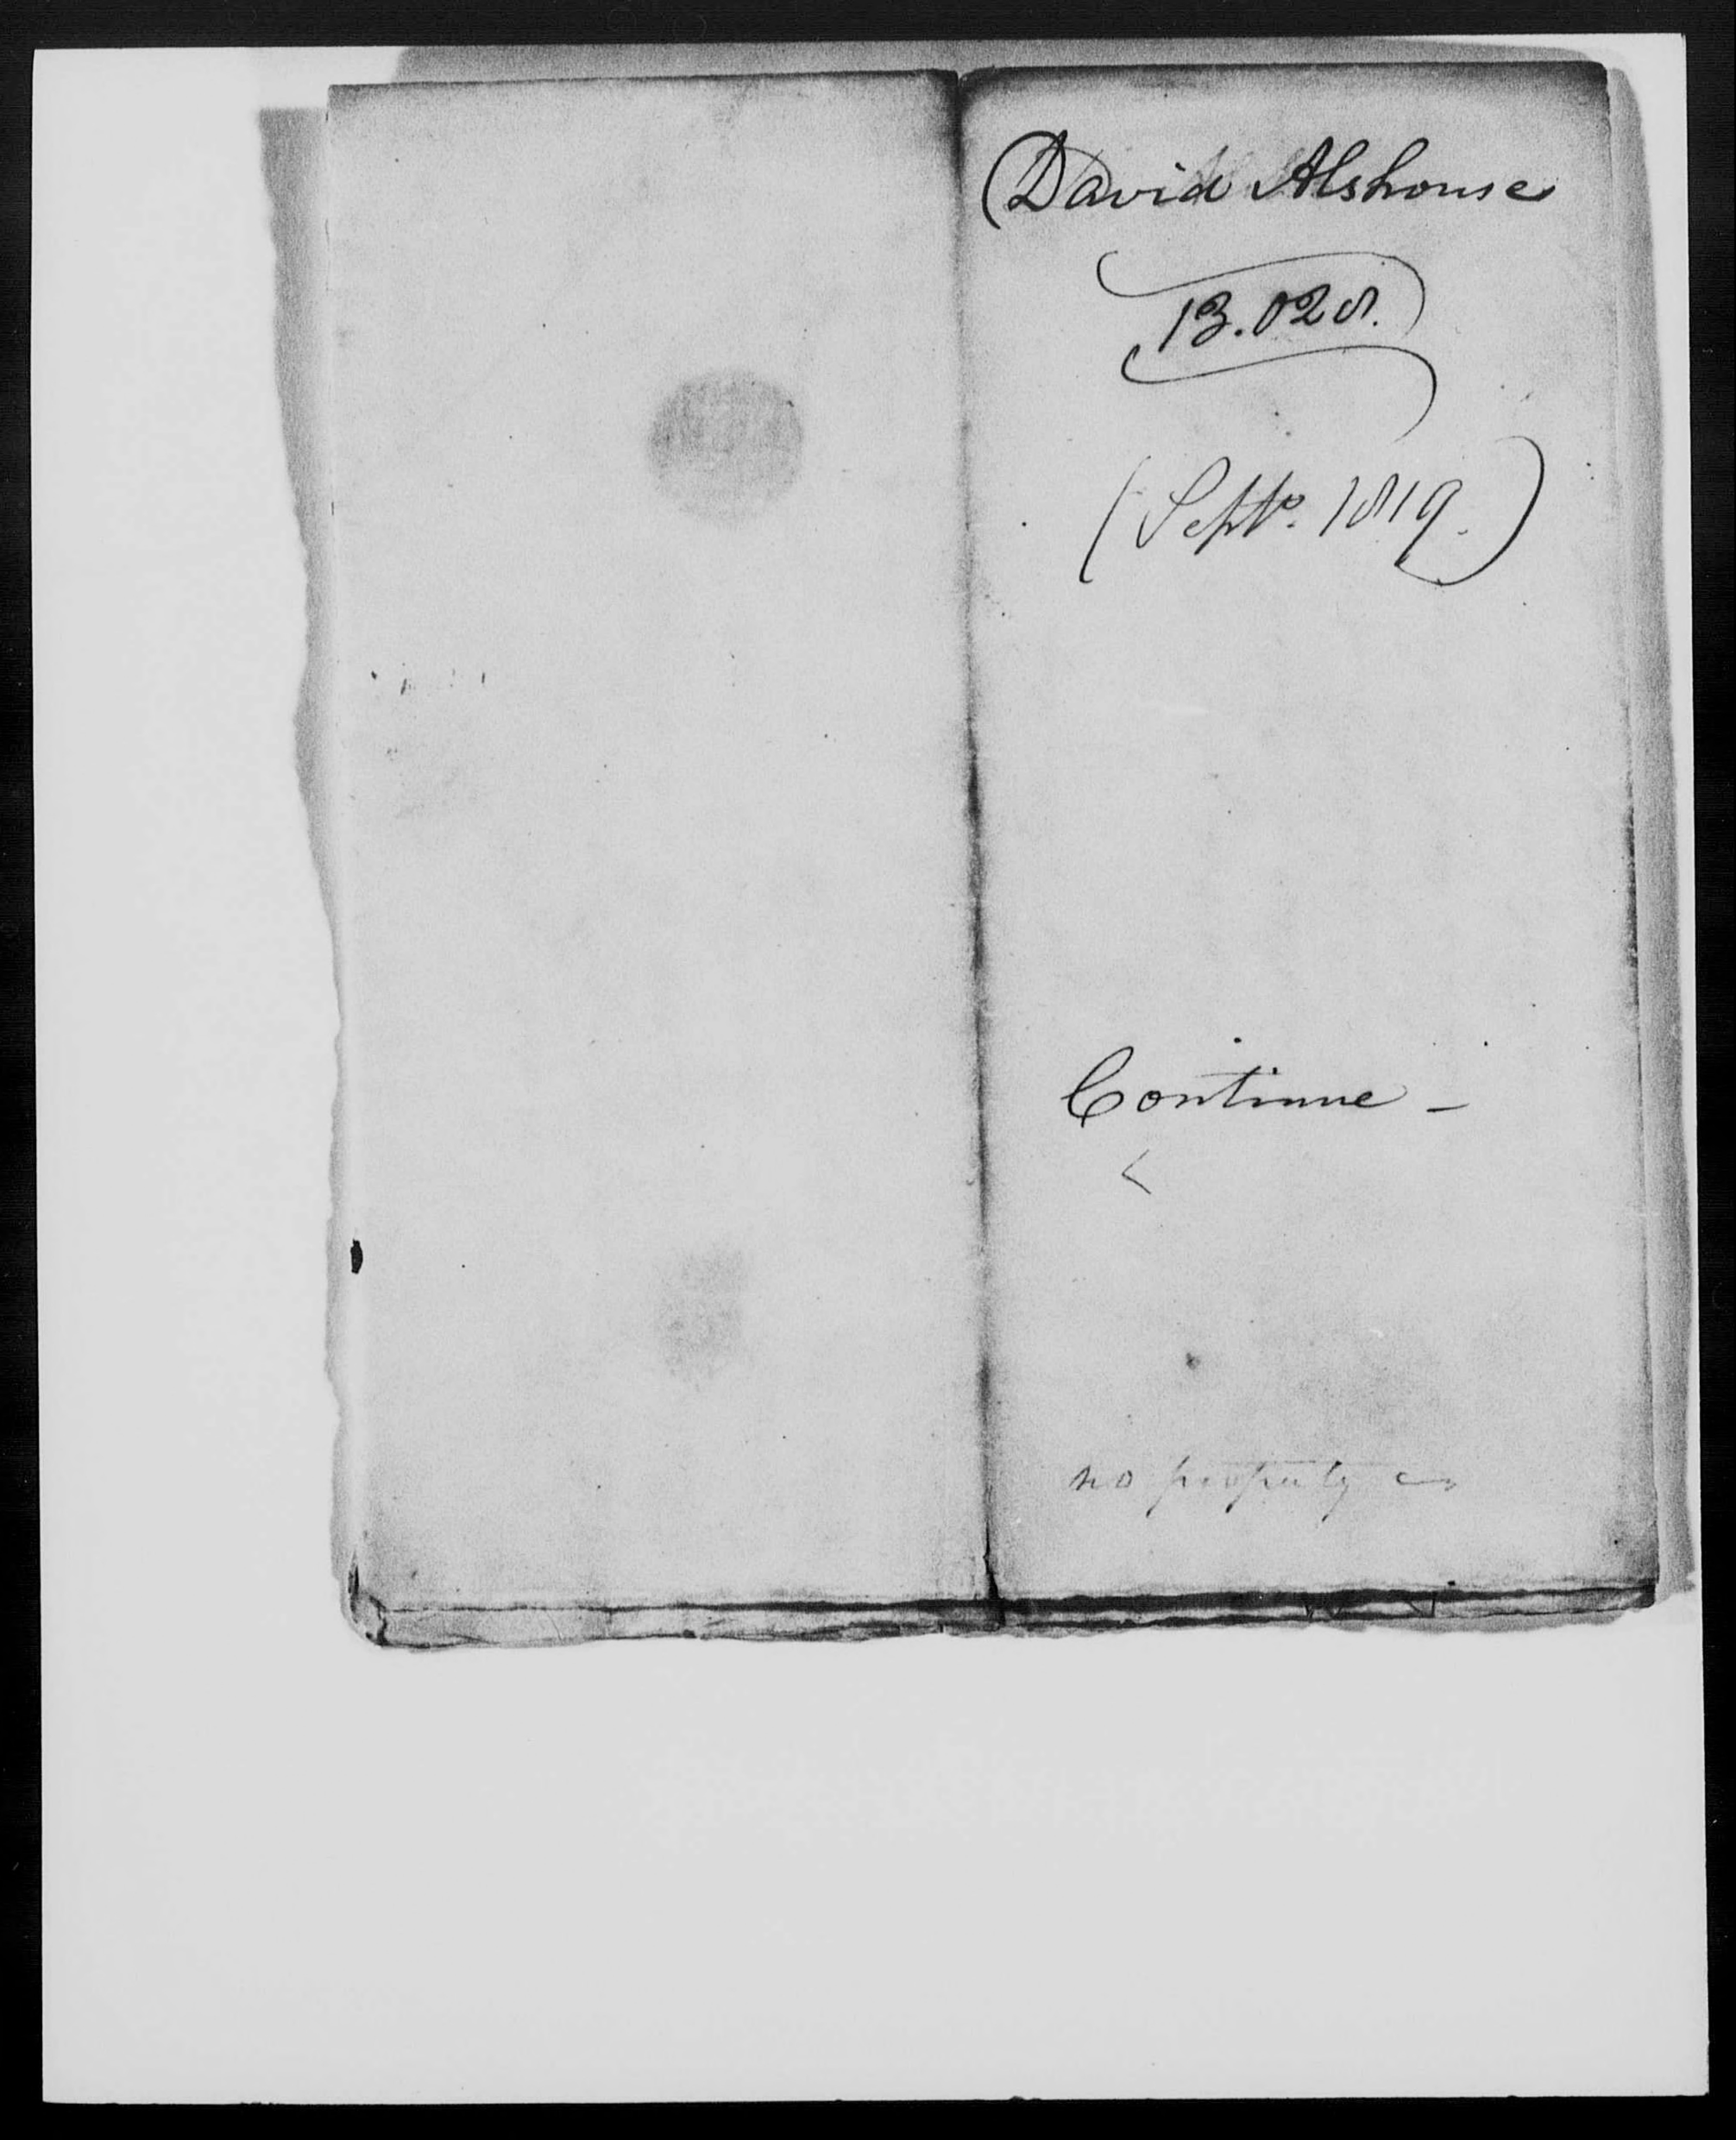David Alshouse

13.128
(Sept. 1819)

Continued -

No property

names: David Alshouse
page: 10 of 17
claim: survivor's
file: S. 39928, David Alshouse, Penn.